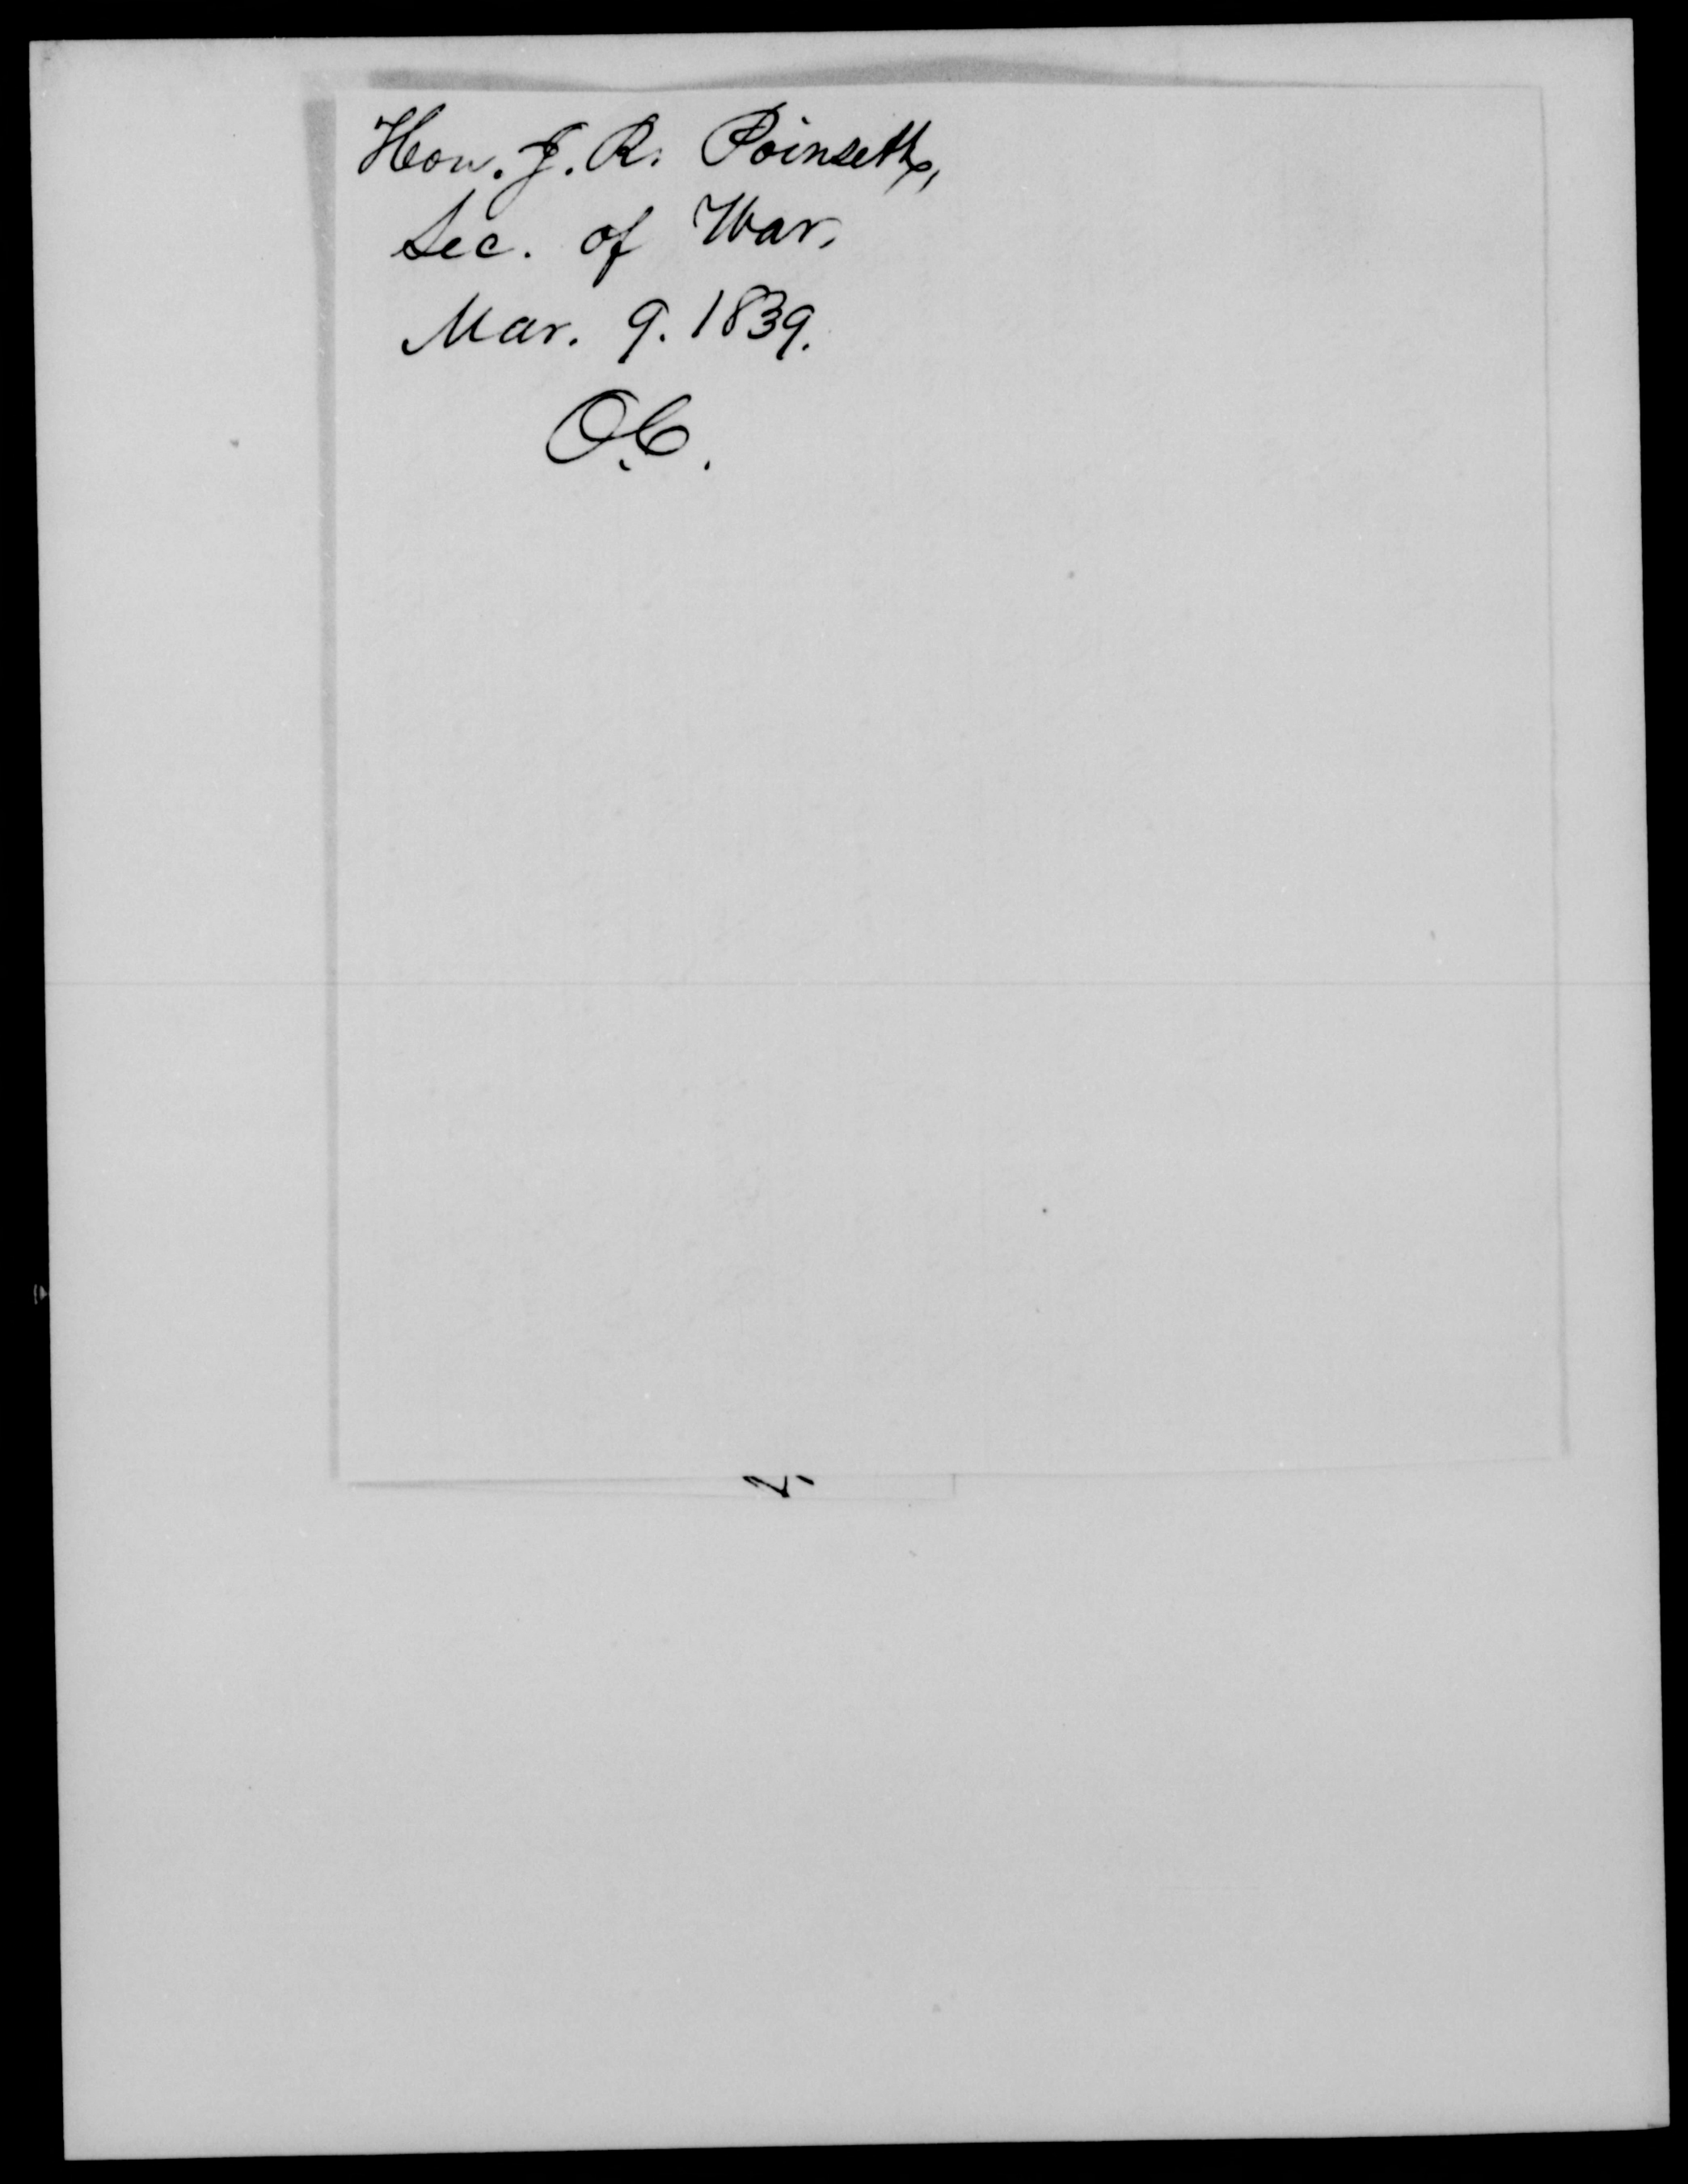Hon. J.R. Poinsett,
Sec. of War,
Mar. 9. 1839.
O.C.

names: J R Poinsett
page: 14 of 21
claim: rejected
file: R. 9875, for William Smith, South Carolina